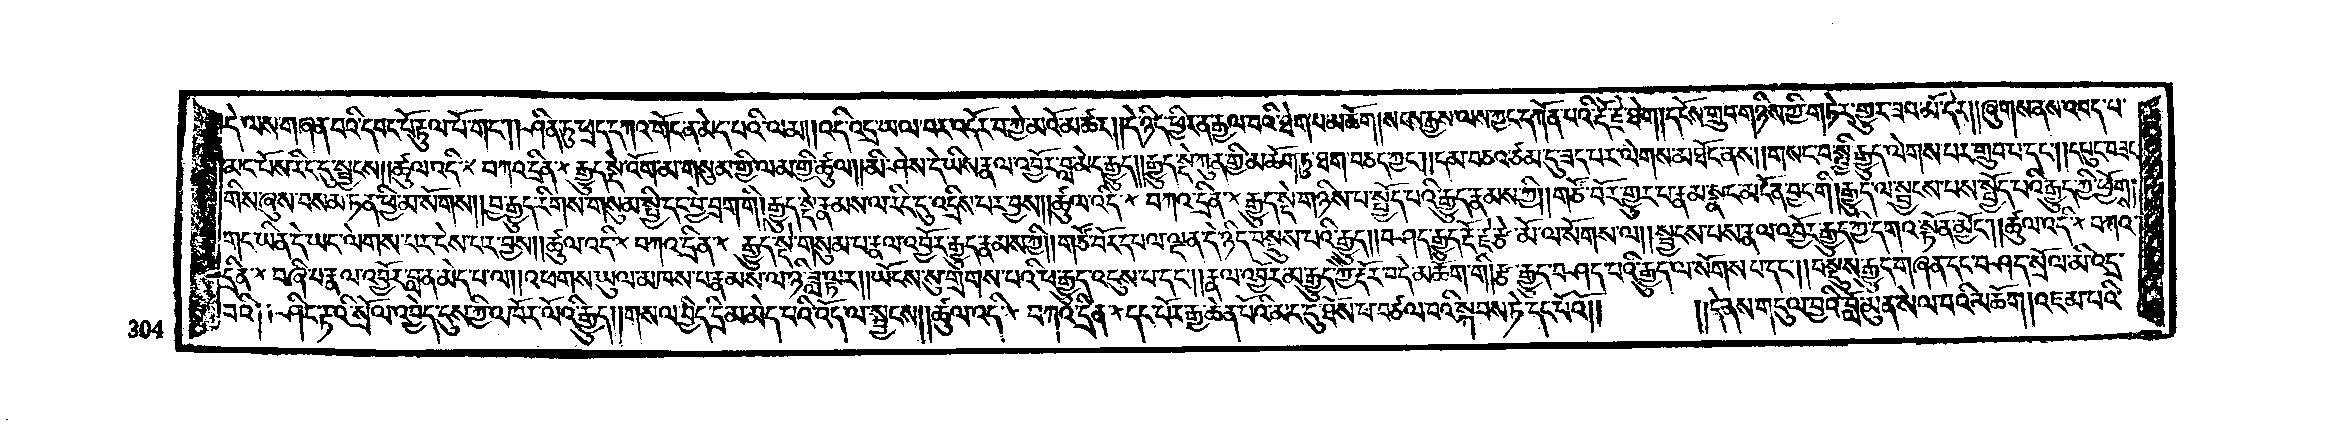དེ་ལས་གཞན་པའི་དབང་པོ་རྟུལ་པོ་གང་། །ཤིན་ཏུ་ཕྲད་དཀའ་གོང་ན་མེད་པའི་ལམ། །འདི་འདྲ་ཡལ་བར་འདོར་བ་ཀྱེ་མའོ་མཚར། །དེ་ཉིད་ཕྱིར་ན་རྒྱལ་བའི་ཐེག་པ་མཆོག །སངས་རྒྱས་ལས་ཀྱང་དཀོན་པའི་རྡོ་རྗེ་ཐེག །དངོས་གྲུབ་གཉིས་ཀྱི་གཏེར་གྱུར་ཟབ་མོ་དེར། །ཞུགས་ནས་འབད་པ་
མང་པོས་རིང་དུ་སྦྱངས། །ཚུལ་འདི་྾་བཀའ་དྲིན་྾་རྒྱུད་སྡེ་འོག་མ་གསུམ་གྱི་ལམ་གྱི་ཚུལ། །མི་ཤེས་དེ་ཡིས་རྣལ་འབྱོར་བླ་མེད་རྒྱུད། །རྒྱུད་སྡེ་ཀུན་གྱི་མཆོག་ཏུ་ཐག་བཅད་ཀྱང་། །དམ་བཅའ་ཙམ་དུ་ཟད་པར་ལེགས་མཐོང་ནས། །གསང་བ་སྤྱི་རྒྱུད་ལེགས་པར་གྲུབ་པ་དང་། །དཔུང་བཟང་
གིས་ཞུས་བསམ་ཏན་ཕྱི་མ་སོགས། །བྱ་རྒྱུད་རིགས་གསུམ་སྤྱི་དང་བྱེ་བྲག་གི །རྒྱུད་སྡེ་རྣམས་ལ་རིང་དུ་འདྲིས་པར་བྱས། །ཚུལ་འདི་྾་། བཀའ་དྲིན་྾་རྒྱུ་སྡེ་གཉིས་པ་སྤྱོད་པའི་རྒྱུད་རྣམས་ཀྱི། །གཙོ་བོར་གྱུར་པ་ནམ་སང་མངོན་བྱང་གི །རྒྱུད་ལ་སྦྱངས་པས་སྤྱོད་པའི་རྒྱུད་ཀྱི་ཕྱོགས་
གང་ཡིན་དེ་ཡང་ལེགས་པར་ངེས་པར་བྱས། །ཚུལ་འདི་྾་བཀའ་དྲིན། ྾་།རྒྱུད་སྡེ་གསུམ་པ་རྣལ་འབྱོར་རྒྱུད་རྣམས་ཀྱི། །གཙོ་བོར་དཔལ་ལྡན་དེ་ཉིད་བསྡུས་པའི་རྒྱུད། །བཤད་རྒྱུད་རྡོ་རྗེ་རྩེ་མོ་ལ་སོགས་ལ། མོ་ལ་སོགས་ལ། །སྦྱངས་པས་རྣལ་འབྱོར་རྒྱུད་ཀྱི་དགའ་སྟོན་བཀའ་
དྲིན་྾་བཞི་པ་རྣལ་འབྱོར་བླ་ན་མེད་པ་ལ། །འཕགས་ཡུལ་མཁས་པ་རྣམས་ལ་ཉི་ཟླ་ལྟར། །ཡོངས་སུ་གྲགས་པའི་ཕ་རྒྱུད་འདུས་པ་དང་། །རྣལ་འབྱོར་མ་རྒྱུད་ཀྱཻ་རྡོར་བདེ་མཆོག་གི །རྩ་རྒྱུད་བཤད་པའི་རྒྱུད་ལ་སོགས་པ་དང་། །བསྡུས་རྒྱུད་གཞན་དང་བཤད་སྲོལ་མི་འདྲ་
བའི༑ ༑ཤིང་རྟའི་སྲོལ་འབྱེད་དུས་ཀྱི་འཁོར་ལོའི་རྒྱུད། །གསལ་བྱེད་དྲི་མ་མེད་པའི་འོད་ལ་སྐྱངས། །ཚུལ་འདི་྾་བཀའ་དྲིན་྾་དང་པོར་རྒྱ་ཆེན་པོའི་མང་དུ་ཐོས་པ་བཙལ་བའི་སྐབས་ཏེ་དང་པོའོ།། །།དེ་ནས་གདུལ་བྱའི་བློ་མུན་སེལ་བའི་མཆོག །འཇམ་པའི་